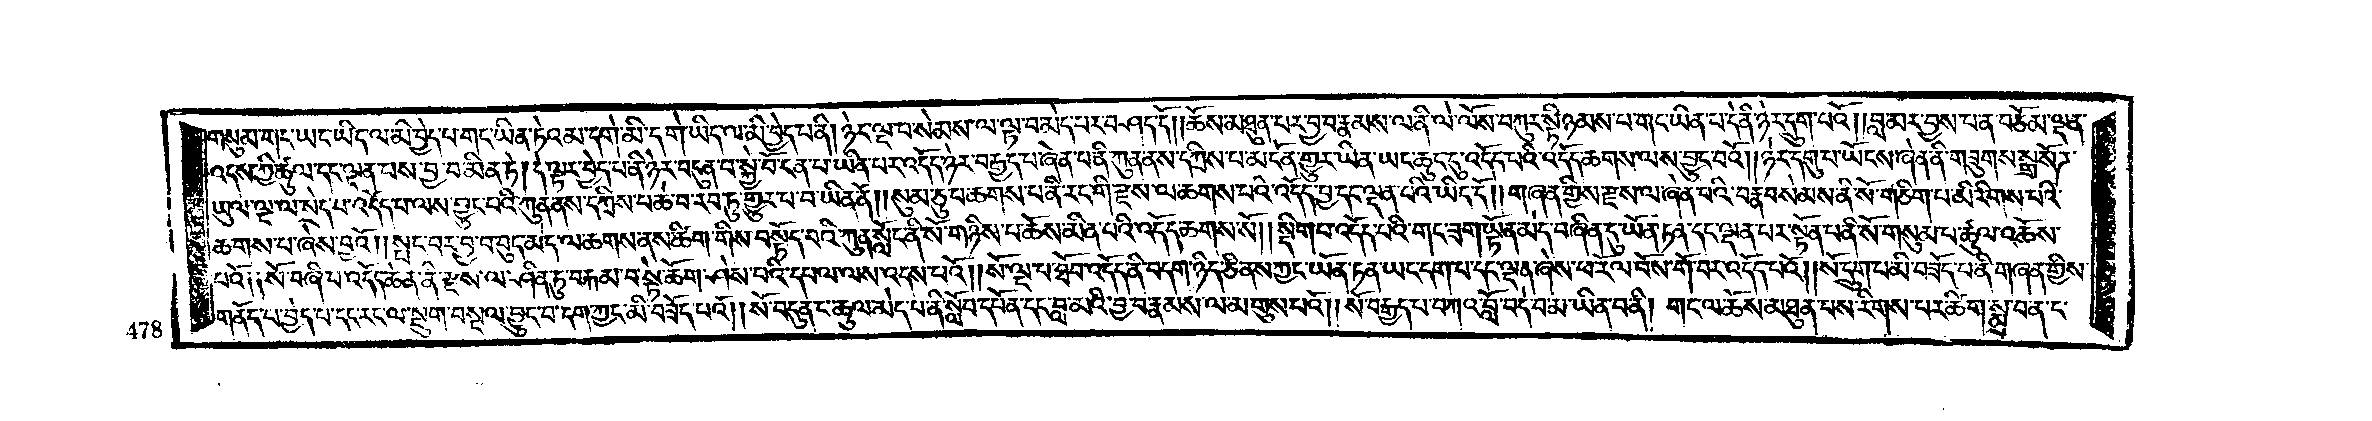གསུམ་གང་ཡང་ཡིད་ལ་མི་བྱེད་པ་གང་ཡིན་ཏེའམ་དགེ་མི་དགེ་ཡིད་ལ་མི་བྱེད་པ་ནི། ཉེར་ལྔ་པ་སེམས་ལ་ལྟ་བ་མེད་པར་བཤད་དོ། །ཆོས་མཐུན་པར་བྱ་བ་རྣམས་ལ་ནི་ལེ་ལས་བཀུར་སྟི་ཉམས་པ་གང་ཡིན་པ་དེ་ནི་ཉེར་དྲུག་པའོ། །བླ་མར་བྱས་པ་ན་བཅོམ་ལྡན་
འདས་ཀྱི་ཚུལ་དང་ལྡན་པས་བྱ་བ་མིན་ཏེ། དེ་ལྟར་བྱེད་པ་ནི་ཉེར་བདུན་པ་སྐྱེ་བོ་ངན་པ་ཡིན་པར་འདོད་ཉེར་བརྒྱད་པ་ཞེན་པ་ནི་ཀུན་ནས་དཀྲིས་པ་མངོན་གྱུར་ཡིན་ཡང་ཆུང་ངུ་འདོད་པའི་འདོད་ཆགས་ལས་བྱུང་བའོ། །ཉེར་དགུ་པ་ཡོངས་ཞེན་ནི་གཟུགས་སྒྲ་སོགས་
ཡུལ་ལྔ་ལ་སྲེད་པ་འདོད་པ་ལས་བྱུང་བའི་ཀུན་ནས་དཀྲིས་པ་ཆེ་བ་རབ་ཏུ་གྱུར་པ་བ་ཡིན་ནོ། །སུམ་ཅུ་པ་ཆགས་པ་ནི་རང་གི་རྫས་ལ་ཆགས་པའི་འདོད་བྱ་དང་ལྡན་པའི་ཡིད་དོ། །གཞན་གྱིས་རྫས་ལ་ཞེན་པའི་བརྣབས་སེམས་ནི་སོ་གཅིག་པ་མི་རིགས་པའི་
ཆགས་པ་ཞེས་བྱའོ། །སྤང་བར་བྱ་བ་བུད་མེད་ལ་ཆགས་ནས་ཚིག་གིས་བསྟོད་པའི་ཀུན་སློང་ནི་སོ་གཉིས་པ་ཆོས་མིན་པའི་འདོད་ཆགས་སོ། །སྡིག་པ་འདོད་པའི་གང་ཟག་ཡོན་ཏན་མེད་བཞིན་དུ་ཡོན་ཏན་དང་ལྡན་པར་སྟོན་པ་ནི་སོ་གསུམ་པ་ཚུལ་འཆོས་
པའོ། །སོ་བཞི་པ་འདོད་ཆེན་ནི་རྫས་ལ་ཤིན་ཏུ་བརྐམ་པ་སྟེ་ཆོག་ཤེས་པའི་དཔལ་ལས་འདས་པའོ། །སོ་ལྔ་པ་ཐོབ་འདོད་ནི་བདག་ཉིད་ཅི་ནས་ཀྱང་ཡོན་ཏན་ཡང་དག་པ་དང་ལྡན་ཞེས་ཕ་རོལ་པོས་གོ་བར་འདོད་པའོ། །སོ་དྲུག་པ་མི་བཟོད་པ་ནི་གཞན་གྱིས་
གནོད་པ་བྱེད་པ་དང་རང་ལ་སྡུག་བསྔལ་བྱུང་བ་དག་ཀྱང་མི་བཟོད་པའོ། །སོ་བདུན་པ་ཆུལ་མེད་པ་ནི་སློབ་དཔོན་དང་བླ་མའི་བྱ་བ་རྣམས་ལ་མ་གུས་པའོ། །སོ་བརྒྱད་པ་བཀའ་བློ་བདེ་བ་མ་ཡིན་པ་ནི། གང་ལ་ཆོས་མཐུན་པས་རིགས་པར་ཚིག་སྨྲ་བ་ན་ང་